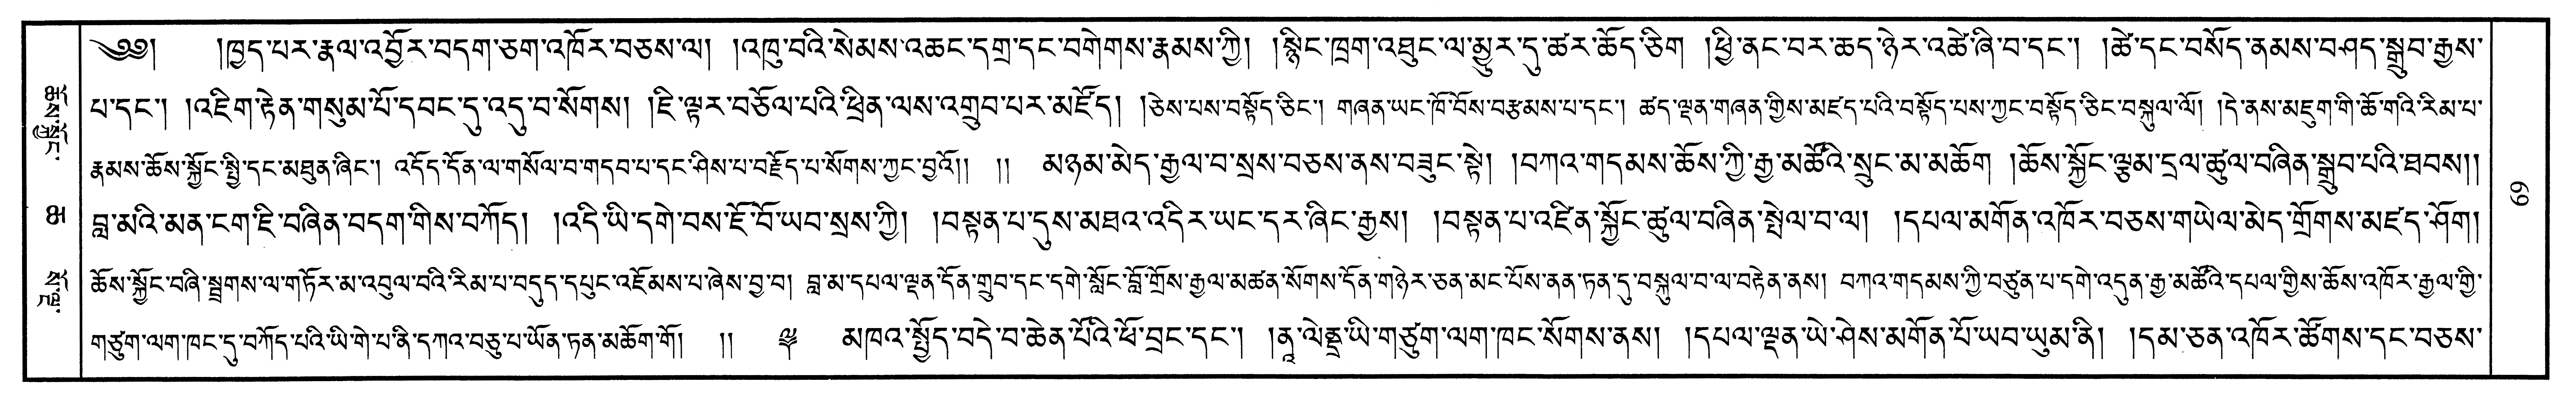༄༅། །ཁྱད་པར་རྣལ་འབྱོར་བདག་ཅག་འཁོར་བཅས་ལ། །འཁུ་བའི་སེམས་འཆང་དགྲ་དང་བགེགས་རྣམས་ཀྱི། །སྙིང་ཁྲག་འཐུང་ལ་མྱུར་དུ་ཚར་ཆོད་ཅིག །ཕྱི་ནང་བར་ཆད་ཉེར་འཚེ་ཞི་བ་དང་། །ཚེ་དང་བསོད་ནམས་བཤད་སྒྲུབ་རྒྱས་
པ་དང་། །འཇིག་རྟེན་གསུམ་པོ་དབང་དུ་འདུ་བ་སོགས། །ཇི་ལྟར་བཅོལ་བའི་ཕྲིན་ལས་འགྲུབ་པར་མཛོད། །ཅེས་པས་བསྟོད་ཅིང་། །གཞན་ཡང་ཁོ་བོས་བརྩམས་པ་དང་། ཚད་ལྡན་གཞན་གྱིས་མཛད་པའི་བསྟོད་པས་ཀྱང་བསྟོད་ཅིང་བསྐུལ་ལོ། །དེ་ནས་མཇུག་གི་ཆོ་གའི་རིམ་པ་
རྣམས་ཆོས་སྐྱོང་སྤྱི་དང་མཐུན་ཞིང་། འདོད་དོན་ལ་གསོལ་བ་གདབ་པ་དང་ཤིས་པ་བརྗོད་པ་སོགས་ཀྱང་བྱའོ།། །།མཉམ་མེད་རྒྱལ་བ་སྲས་བཅས་ནས་བཟུང་སྟེ། །བཀའ་གདམས་ཆོས་ཀྱི་རྒྱ་མཚོའི་སྲུང་མ་མཆོག །ཆོས་སྐྱོང་ལྕམ་དྲལ་ཚུལ་བཞིན་སྒྲུབ་པའི་ཐབས།།
བླ་མའི་མན་ངག་ཇི་བཞིན་བདག་གིས་བཀོད། །འདི་ཡི་དགེ་བས་ཇོ་བོ་ཡབ་སྲས་ཀྱིས། །བསྟན་པ་དུས་མཐའ་འདིར་ཡང་དར་ཞིང་རྒྱས། །བསྟན་པ་འཛིན་སྐྱོང་ཚུལ་བཞིན་སྤེལ་བ་ལ། །དཔལ་མགོན་འཁོར་བཅས་གཡེལ་མེད་གྲོགས་མཛད་ཤོག།
ཆོས་སྐྱོང་བཞི་སྦྲགས་ལ་གཏོར་མ་འབུལ་བའི་རིམ་པ་བདུད་དཔུང་འཇོམས་པ་ཞེས་བྱ་བ། །བླ་མ་དཔལ་ལྡན་དོན་གྲུབ་དང་དགེ་སློང་བློ་གྲོས་རྒྱལ་མཚན་སོགས་དོན་གཉེར་ཅན་མང་པོས་ནན་ཏན་དུ་བསྐུལ་བ་ལ་བརྟེན་ནས། བཀའ་གདམས་ཀྱི་བཙུན་པ་དགེ་འདུན་རྒྱ་མཚོའི་དཔལ་གྱིས་ཆོས་འཁོར་རྒྱལ་གྱི་
གཙུག་ལག་ཁང་དུ་བཀོད་པའི་ཡི་གེ་པ་ནི་དཀའ་བཅུ་པ་ཡོན་ཏན་མཆོག་གོ། །། ༈ མཁའ་སྤྱོད་བདེ་བ་ཆེན་པོའི་ཕོ་བྲང་དང་། །ནཱ་ལེནྡྲ་ཡི་གཙུག་ལག་ཁང་སོགས་ནས། །དཔལ་ལྡན་ཡེ་ཤེས་མགོན་པོ་ཡབ་ཡུམ་ནི། །དམ་ཅན་འཁོར་ཚོགས་དང་བཅས་